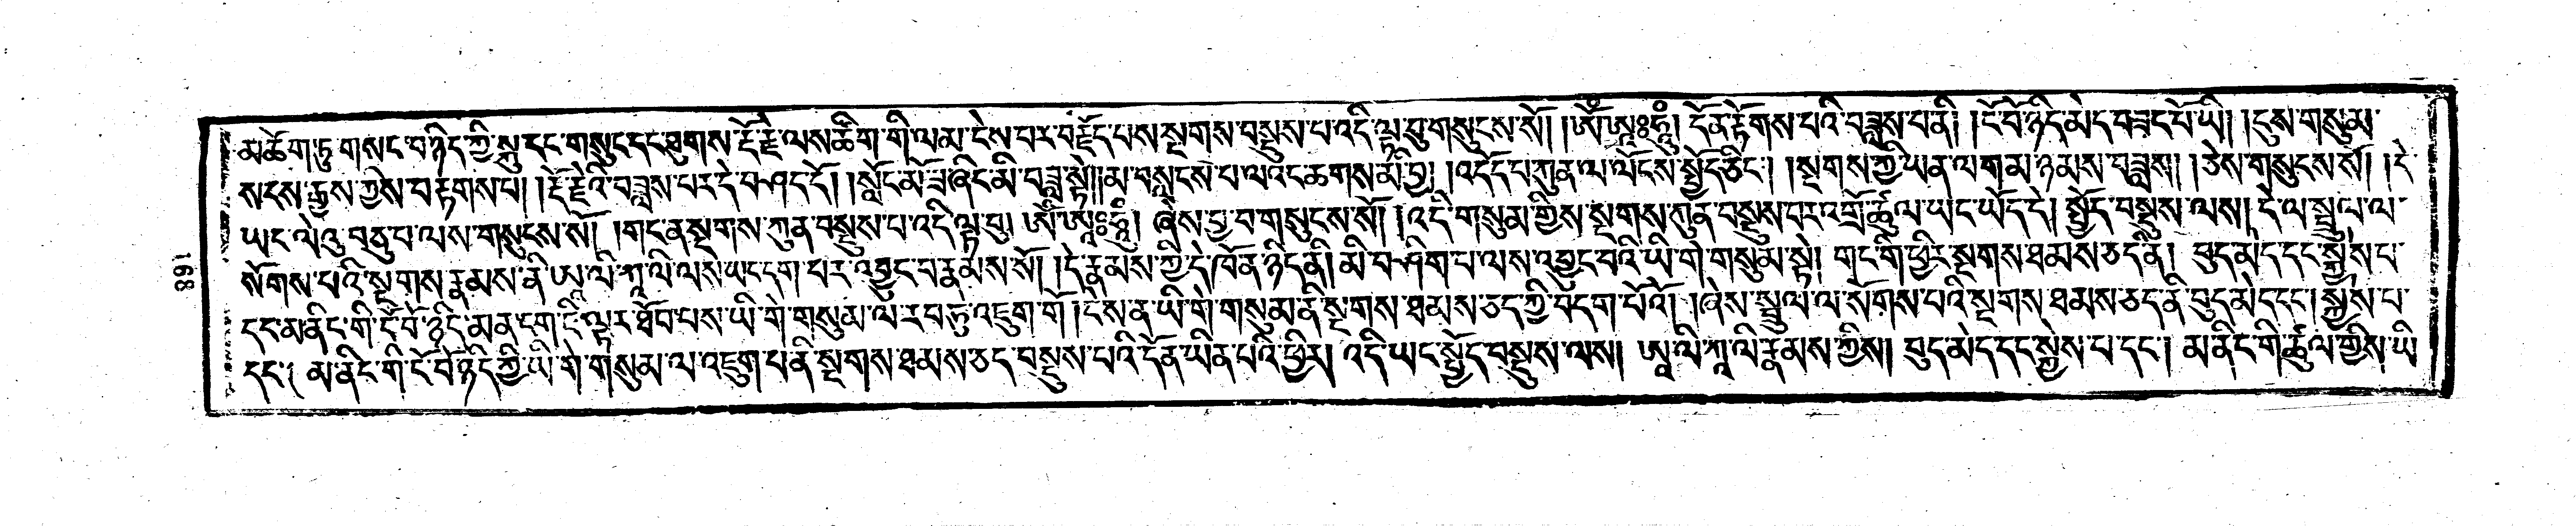མཆོག་ཏུ་གསང་བ་ཉིད་ཀྱི་སྐུ་དང་གསུང་དང་ཐུགས་རྡོ་རྗེ་ལས་ཚིག་གི་ལ་མ་ངེས་པར་བརྗོད་པས་སྔགས་བསྡུས་པ་འདི་ལྟ་བུ་གསུངས་སོ། །ཨོཾ་ཨཱཿ ཧཱུཾ། དོན་རྟོགས་པའི་བཟླས་པ་ནི། །ངོ་བོ་ཉིད་མེད་བཟང་པོ་ཡི། །དུས་གསུམ་
སངས་རྒྱས་ཀྱིས་བརྟགས་པ། །རྡོ་རྗེའི་བཟླས་པར་དེ་བཤད་དོ། །སློང་མོ་ཟ་ཞིང་མི་བཟླ་སྟེ། །མ་བསླངས་པ་ལའང་ཆགས་མི་བྱ། །འདོད་པ་ཀུན་ལ་ལོངས་སྤྱོད་ཅིང་། །སྔགས་ཀྱི་ཡན་ལག་མ་ཉམས་བཟླས། །ཅེས་གསུངས་སོ། །དེ་
ཡང་ལེའུ་བཅུ་པ་ལས་གསུངས་སོ། །གང་ན་སྔགས་ཀུན་བསྡུས་པ་འདི་ལྟ་བུ། ཨོཾ་ཨཱཿ ཧཱུཾ། ཞེས་བྱ་བ་གསུངས་སོ། །འདི་གསུམ་གྱིས་སྔགས་ཀུན་བསྡུས་པར་འགྲོ་ཚུལ་ཡང་ཡོད་དེ། སྤྱོད་བསྡུས་ལས། དེ་ལ་སྤྲུལ་ལ་
སོགས་པའི་སྔགས་རྣམས་ནི་ཨཱ་ལི་ཀཱ་ལི་ལས་ཡང་དག་པར་འབྱུང་བ་རྣམས་སོ། །དེ་རྣམས་ཀྱི་དེ་ཁོ་ན་ཉིད་ནི། མི་བཤིག་པ་ལས་འབྱུང་བའི་ཡི་གེ་གསུམ་སྟེ། གང་གི་ཕྱིར་སྔགས་ཐམས་ཅད་ནི། བུད་མེད་དང་སྐྱེས་པ་
དང་མ་ནིང་གི་ངོ་བོ་ཉིད་མན་ངག་ཇི་ལྟར་ཐོབ་པས་ཡི་གེ་གསུམ་ལ་རབ་ཏུ་འཇུག་གོ །དེས་ན་ཡི་གེ་གསུམ་ནི་སྔགས་ཐམས་ཅད་ཀྱི་བདག་པོའོ། །ཞེས་སྤྲུལ་ལ་སོགས་པའི་སྔགས་ཐམས་ཅད་ནི་བུད་མེད་དང་། སྐྱེས་པ་
དང་། མ་ནིང་གི་ངོ་བོ་ཉིད་ཀྱི་ཡི་གེ་གསུམ་ལ་འཇུག་པ་ནི་སྔགས་ཐམས་ཅད་བསྡུས་པའི་དོན་ཡིན་པའི་ཕྱིར། འདི་ཡང་སྤྱོད་བསྡུས་ལས། ཨཱ་ལི་ཀཱ་ལི་རྣམས་ཀྱིས། བུད་མེད་དང་སྐྱེས་པ་དང་། མ་ནིང་གི་ཚུལ་གྱིས་ཡི་